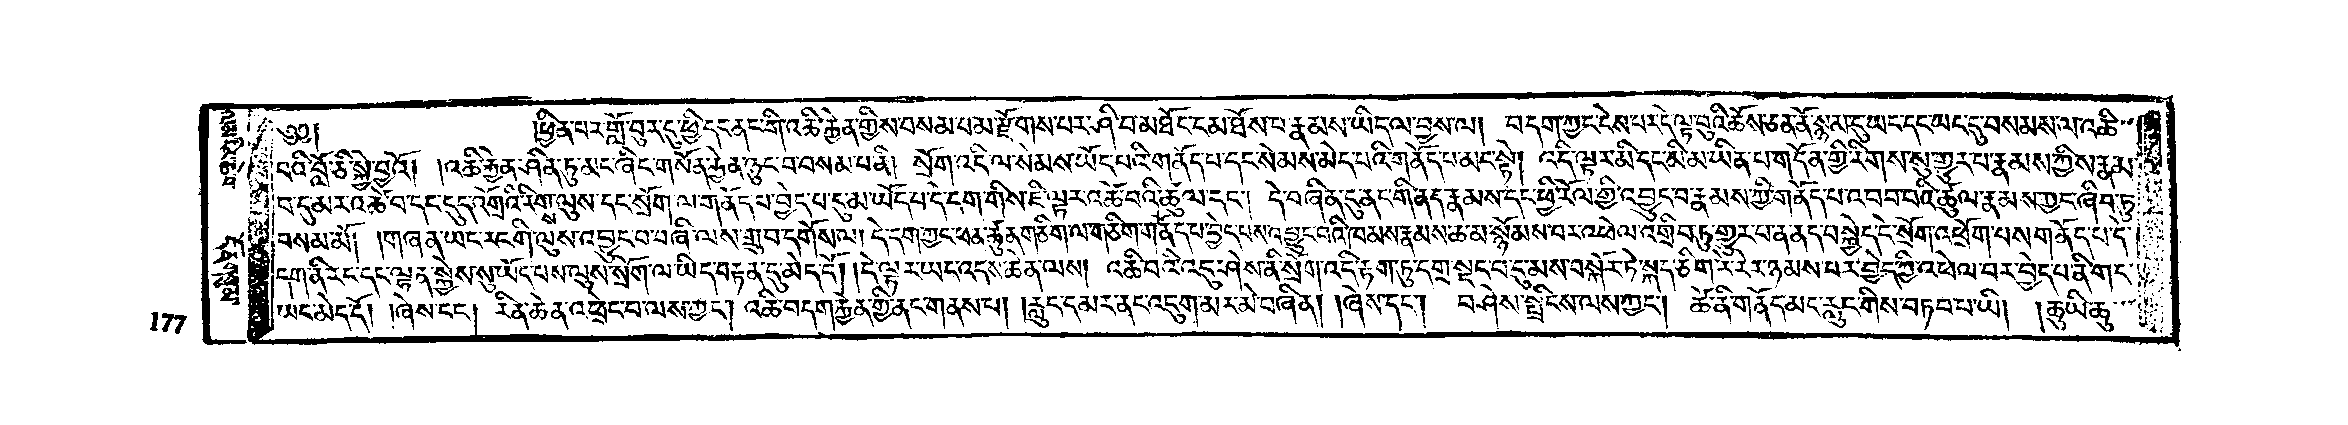༄༅། །ཕྱིན་པར་གློ་བུར་དུ་ཕྱི་དང་ནང་གི་འཆི་རྐྱེན་གྱིས་བསམ་པ་མ་རྫོགས་པར་ཤི་བ་མཐོང་ངམ་ཐོས་པ་རྣམས་ཡིད་ལ་བྱས་ལ། བདག་ཀྱང་ངེས་པར་དེ་ལྟ་བུའི་ཆོས་ཅན་ནོ་སྙམ་དུ་ཡང་དང་ཡང་དུ་བསམས་ལ་འཆི་
བའི་བློ་ཅི་སྐྱེ་བྱའོ། །འཆི་རྐྱེན་ཤིན་ཏུ་མང་ཞིང་གསོན་རྐྱེན་ཉུང་བ་བསམ་པ་ནི། སྲོག་འདི་ལ་སེམས་ཡོད་པའི་གནོད་པ་དང་སེམས་མེད་པའི་གནོད་པ་མང་སྟེ། འདི་ལྟར་མི་དང་མི་མ་ཡིན་པ་གདོན་གྱི་རིགས་སུ་གྱུར་པ་རྣམས་ཀྱིས་རྣམ་
པ་རུ་མར་འཚེ་བ་དང་དུད་འགྲོའི་རིགས་ལུས་དང་སྲོག་ལ་གནོད་པ་བྱེད་པ་དུ་མ་ཡོད་པ་དེ་དག་གིས་ཇི་ལྟར་འཚེ་བའི་ཚུལ་དང་། དེ་བཞིན་དུ་ནང་གི་ནད་རྣམས་དང་ཕྱི་རོལ་གྱི་འབྱུང་བ་རྣམས་ཀྱི་གནོད་པ་འབབ་པའི་ཚུལ་རྣམས་ཀྱང་ཞིབ་ཏུ་
བསམ་མོ། །གཞན་ཡང་རང་གི་ལུས་འབྱུང་བ་བཞི་ལས་གྲུབ་དགོས་ལ། དེ་དག་ཀྱང་ཕན་ཚུན་གཅིག་ལ་གཅིག་གནོད་པ་བྱེད་པས་འབྱུང་བའི་ཁམས་རྣམས་ཆ་མ་སྙོམས་བར་འཕེལ་འགྲིབ་ཏུ་གྱུར་བ་ན་ནད་བསྐྱེད་དེ་སྲོག་འཕྲོག་པས་གནོད་པ་དེ་
དག་ནི་རང་དང་ལྷན་སྐྱེས་སུ་ཡོད་པས་ལུས་སྲོག་ལ་ཡིད་བརྟན་དུ་མེད་དོ། །དེ་ལྟར་ཡང་འདས་ཆེན་ལས། འཆི་བའི་འདུ་ཤེས་ནི་སྲོག་འདི་རྟག་ཏུ་དགྲ་སྡང་བ་དུ་མས་བསྐོར་ཏེ་སྐད་ཅིག་རེ་རེར་ཉམས་པར་བྱེད་ཀྱི་འཕེལ་པར་བྱེད་པ་ནི་གང་
ཡང་མེད་དོ། །ཞེས་དང་། རིན་ཆེན་འཕྲེང་བ་ལས་ཀྱང་། འཆི་བདག་རྐྱེན་གྱི་ནང་གནས་པ། །རླུང་དམར་ནང་འདུག་མར་མེ་བཞིན། །ཞེས་དང་། བཤེས་སྤྲིངས་ལས་ཀྱང་། ཚེ་ནི་གནོད་མང་རླུང་གིས་བཏབ་པ་ཡི། །ཆུ་ཡི་ཆུ་